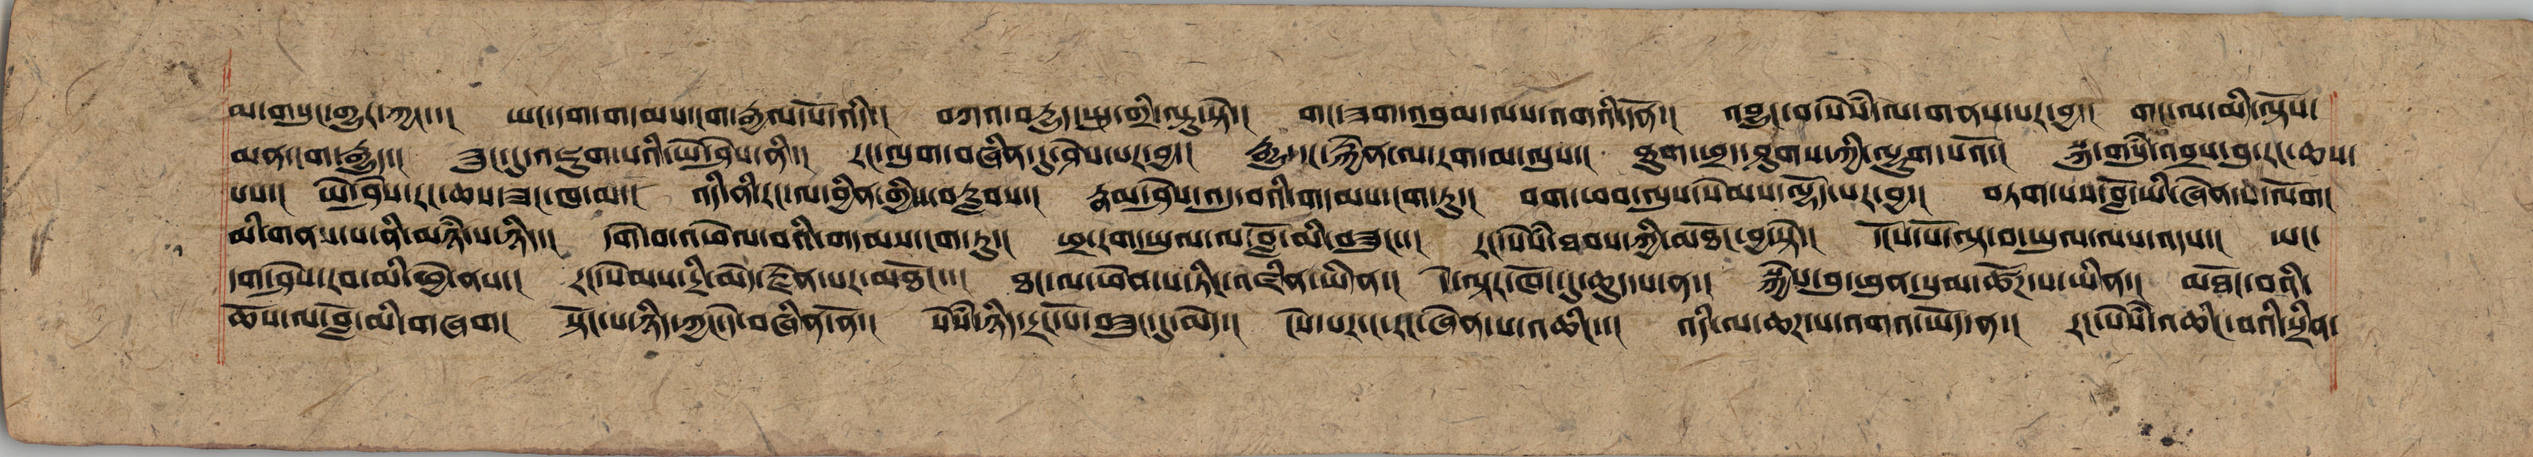མ་གསུང་གྱུར་ཀྱང་་། ཡང་དག་གདམས་ངག་རྒྱལ་པོ་འདི་། བཀའ་བདྱུད་སྤུ་གྲི་ལྟུ་སྟེ་། གང་ཟག་འབུམ་ལས་འགའི་དོན་། འབྱུང་བ་སེཾས་ལ་གནས་པར་བྱ་། གསལ་མི་ལྟོས་
མན་ངག་རྒྱུད་། ཟུང་དུ་འཇུག་པའི་ཡེ་ཤེས་ནི་། རང་ལུག་བཞིན་དུ་ཤེས་པར་བྱ་། རྒྱུ་དང་རྐྱེན་ལ་རག་མ་ལུས་། ཐུག་ཕྲད་ཤུགས་ཀྱི་ལྷུག་པའོ་། སྐུ་གསུཾ་འབྲས་བུ་རང་ཆས་
པས་། ཡེ་ཤེས་རང་ཆས་ཟང་ཁ་མ་། འདི་ནི་རང་ལ་བྱིན་གྱིས་བརླབས་། རྣམ་ཤེས་འདུ་བའི་གདམས་ངག་ཏུ་། བག་ཕབ་ལུས་སེམས་ལྷོད་པར་བྱ་། བཏག་པའི་བློ་ཡི་ཞེན་པ་ལོག།
མི་གནས་པ་ནི་མཉཾ་པ་ཉིད་། དགེ་བ་འཕེལ་བའི་གདམས་ངག་ཏུ་། ཕྲ་རག་ཡུལ་ལ་བློ་མི་བཟུང་་། རང་སེཾས་ཐབས་ཀྱི་མཐོང་བྱ་སྟེ་། དངོས་པོ་ལྟ་བ་ཡུལ་ལས་འདས་། ཡང་
དག་ཤེས་རབ་མི་ཕྱེ་ནས་། རང་སེམས་དྲི་མེད་རྗེན་པར་མཐོང་་། ཐང་ལ་ཕེབ་པ་ཏིང་འཛིན་ཡིན་། དེ་ལྟར་ཁོང་དུ་ཆུད་པ་ན་། སྐྱེས་བུ་ཕུན་སུམ་ཚོཌ་པ་ཡིན་། མཐོང་བའི་
ཆོས་ལ་བློ་མི་གཞག། སྟོང་པ་ཉིད་ཀྱང་དེ་བཞིན་ནོ་། སེཾས་ཉིད་དྲང་པོ་བཟུང་དུ་མེད་། ངེས་པར་ང་རང་ཞེན་པ་འཆིང་་། འདི་ལ་ཆཌ་པ་འགའ་་ཡོད་ན་། རང་སེཾས་འཆིང་བའི་སྲིན་